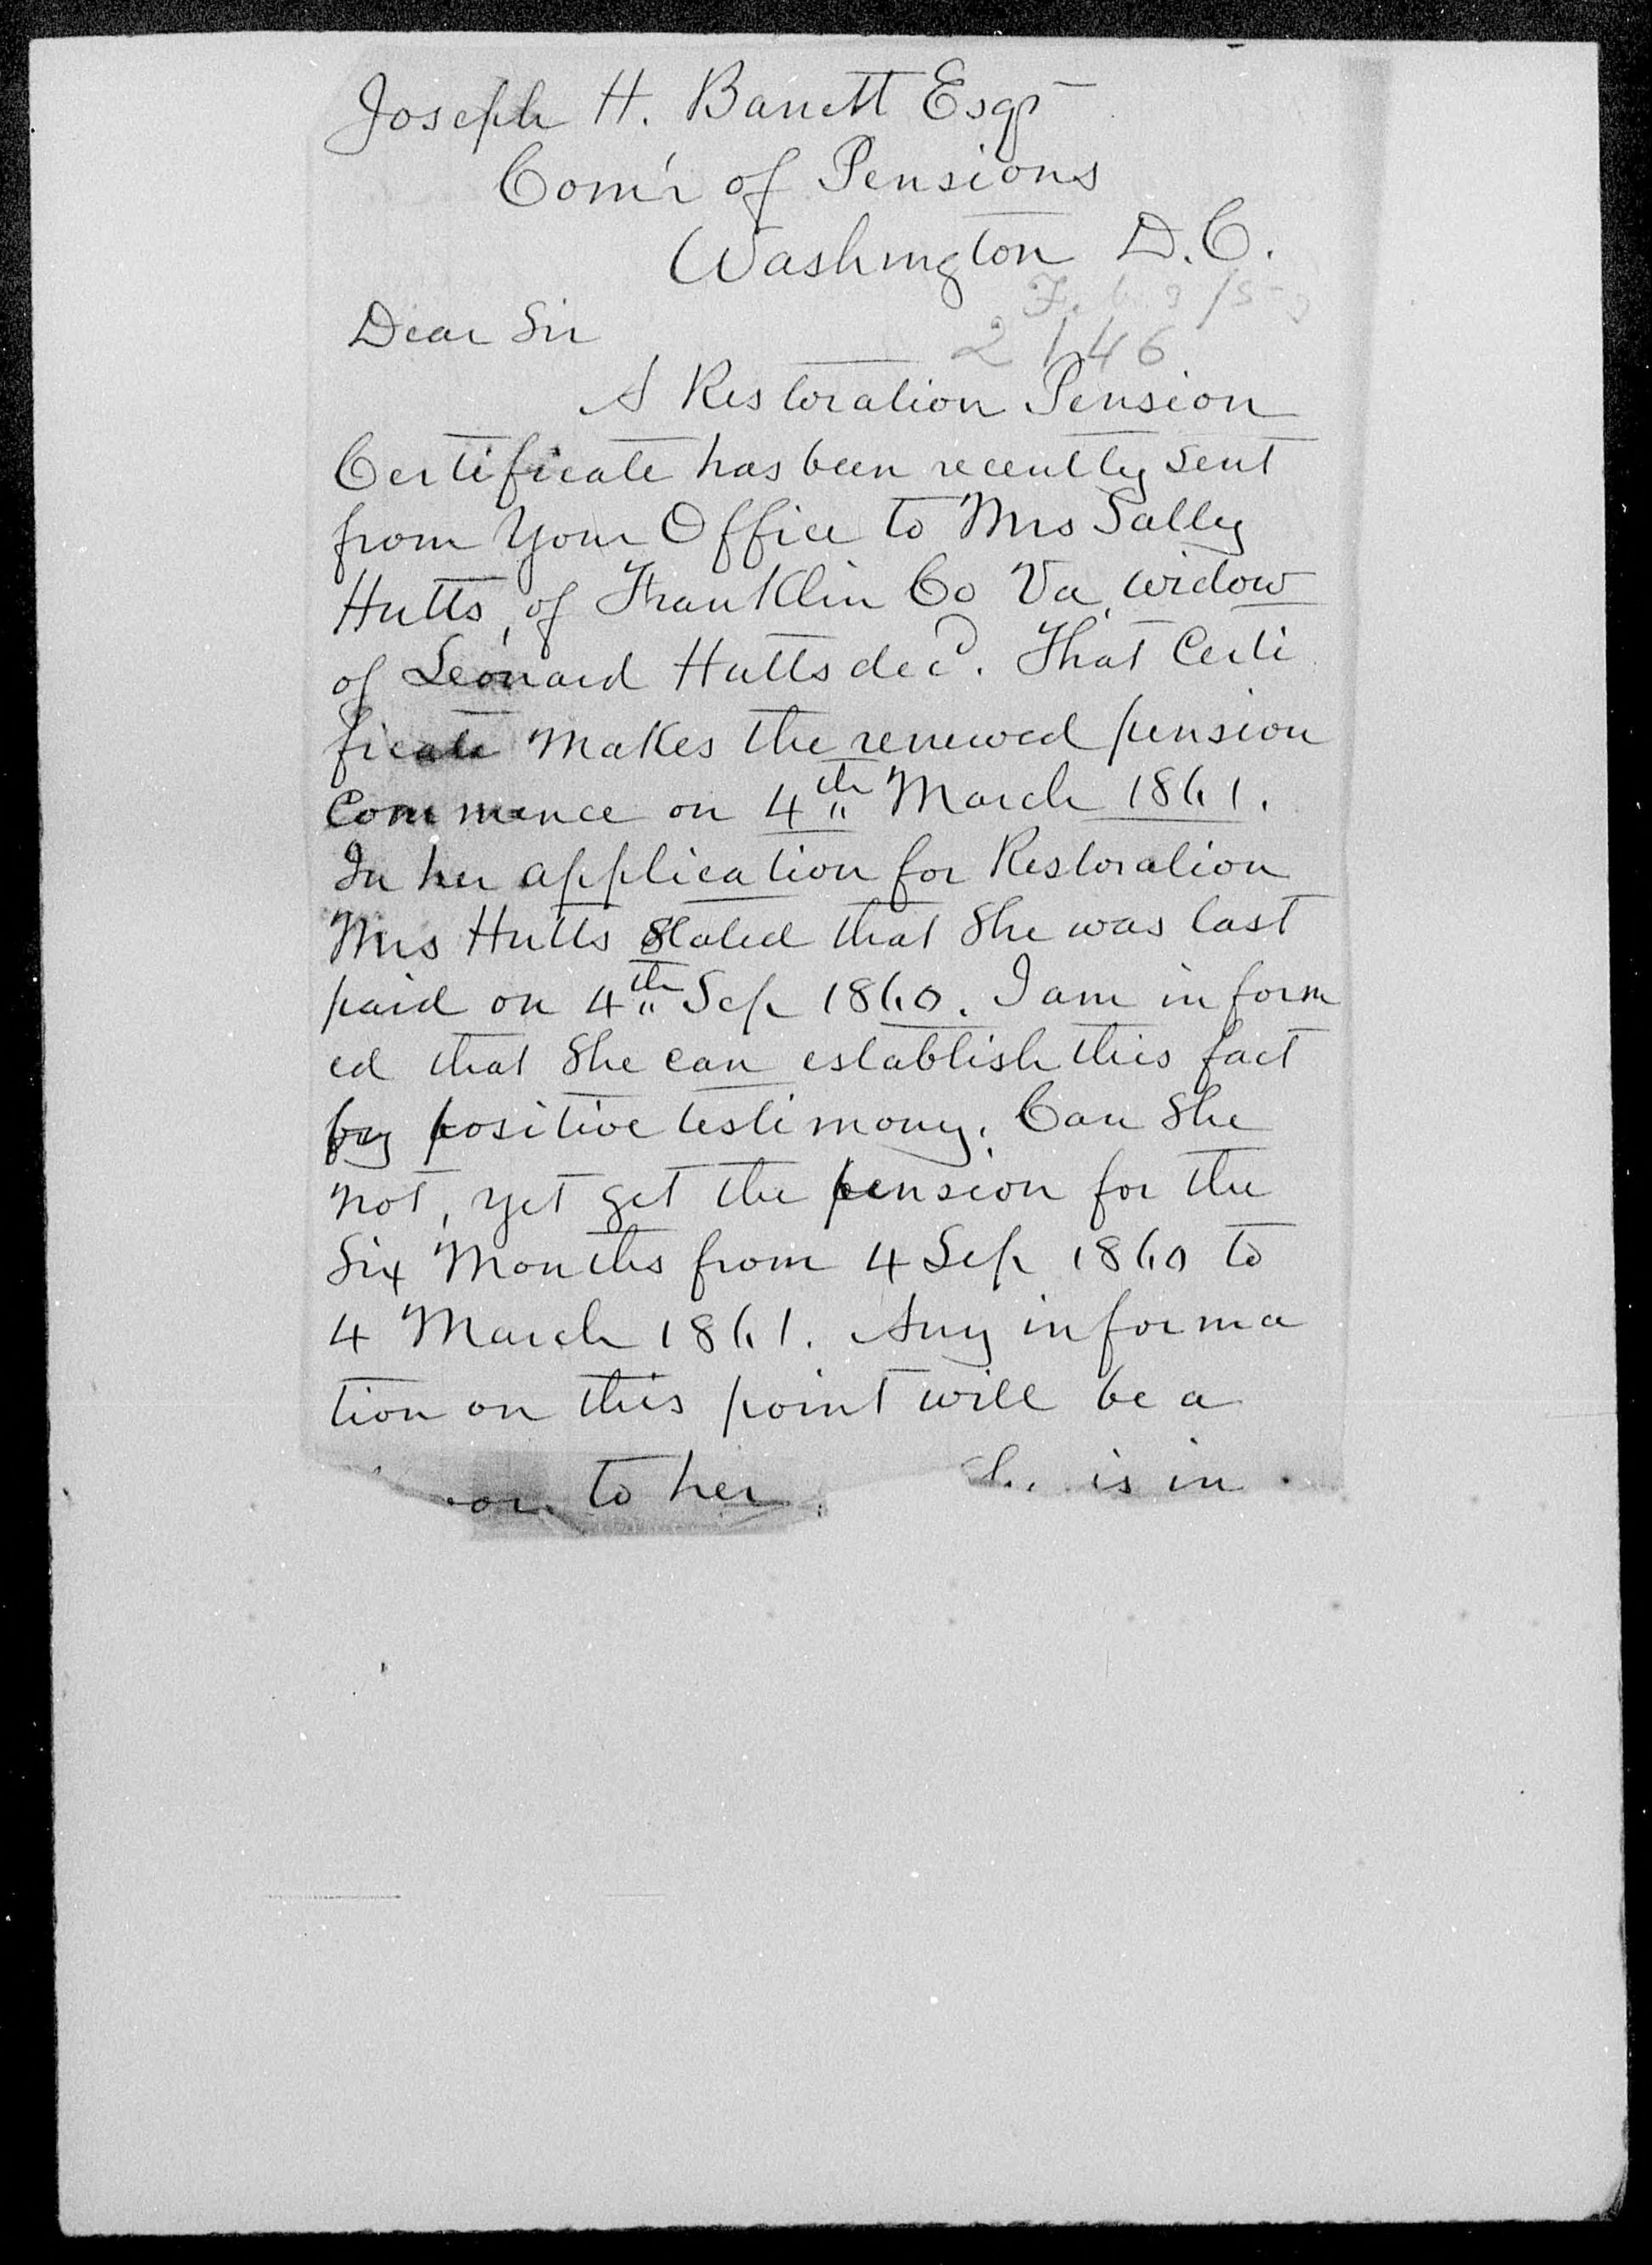Joseph H. Barrett Esqr [Esquire]
Com’r [Commissioner] of Pensions
Washington D. C.

Dear Sir
A Restoration Pension Certificate has been recently sent from your office to Mrs Sally Hutts, of Franklin Co Va, widow of Leonard Hutts decd. [deceased]. That certificate makes the renewed pension commence on 4th March 1861. In her application for Restoration Mrs Hutts stated that she was last paid on 4th Sept [September] 1860. I am informed that she can establish this fact by positive testimony. Can she not, yet get the pension for the Six months from 4 Sept 1860 to 4 March 1861. Any information on this point will be a favor to her. She is in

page: 23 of 33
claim: widow's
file: W. 550, for Leonard Hutts, Virginia